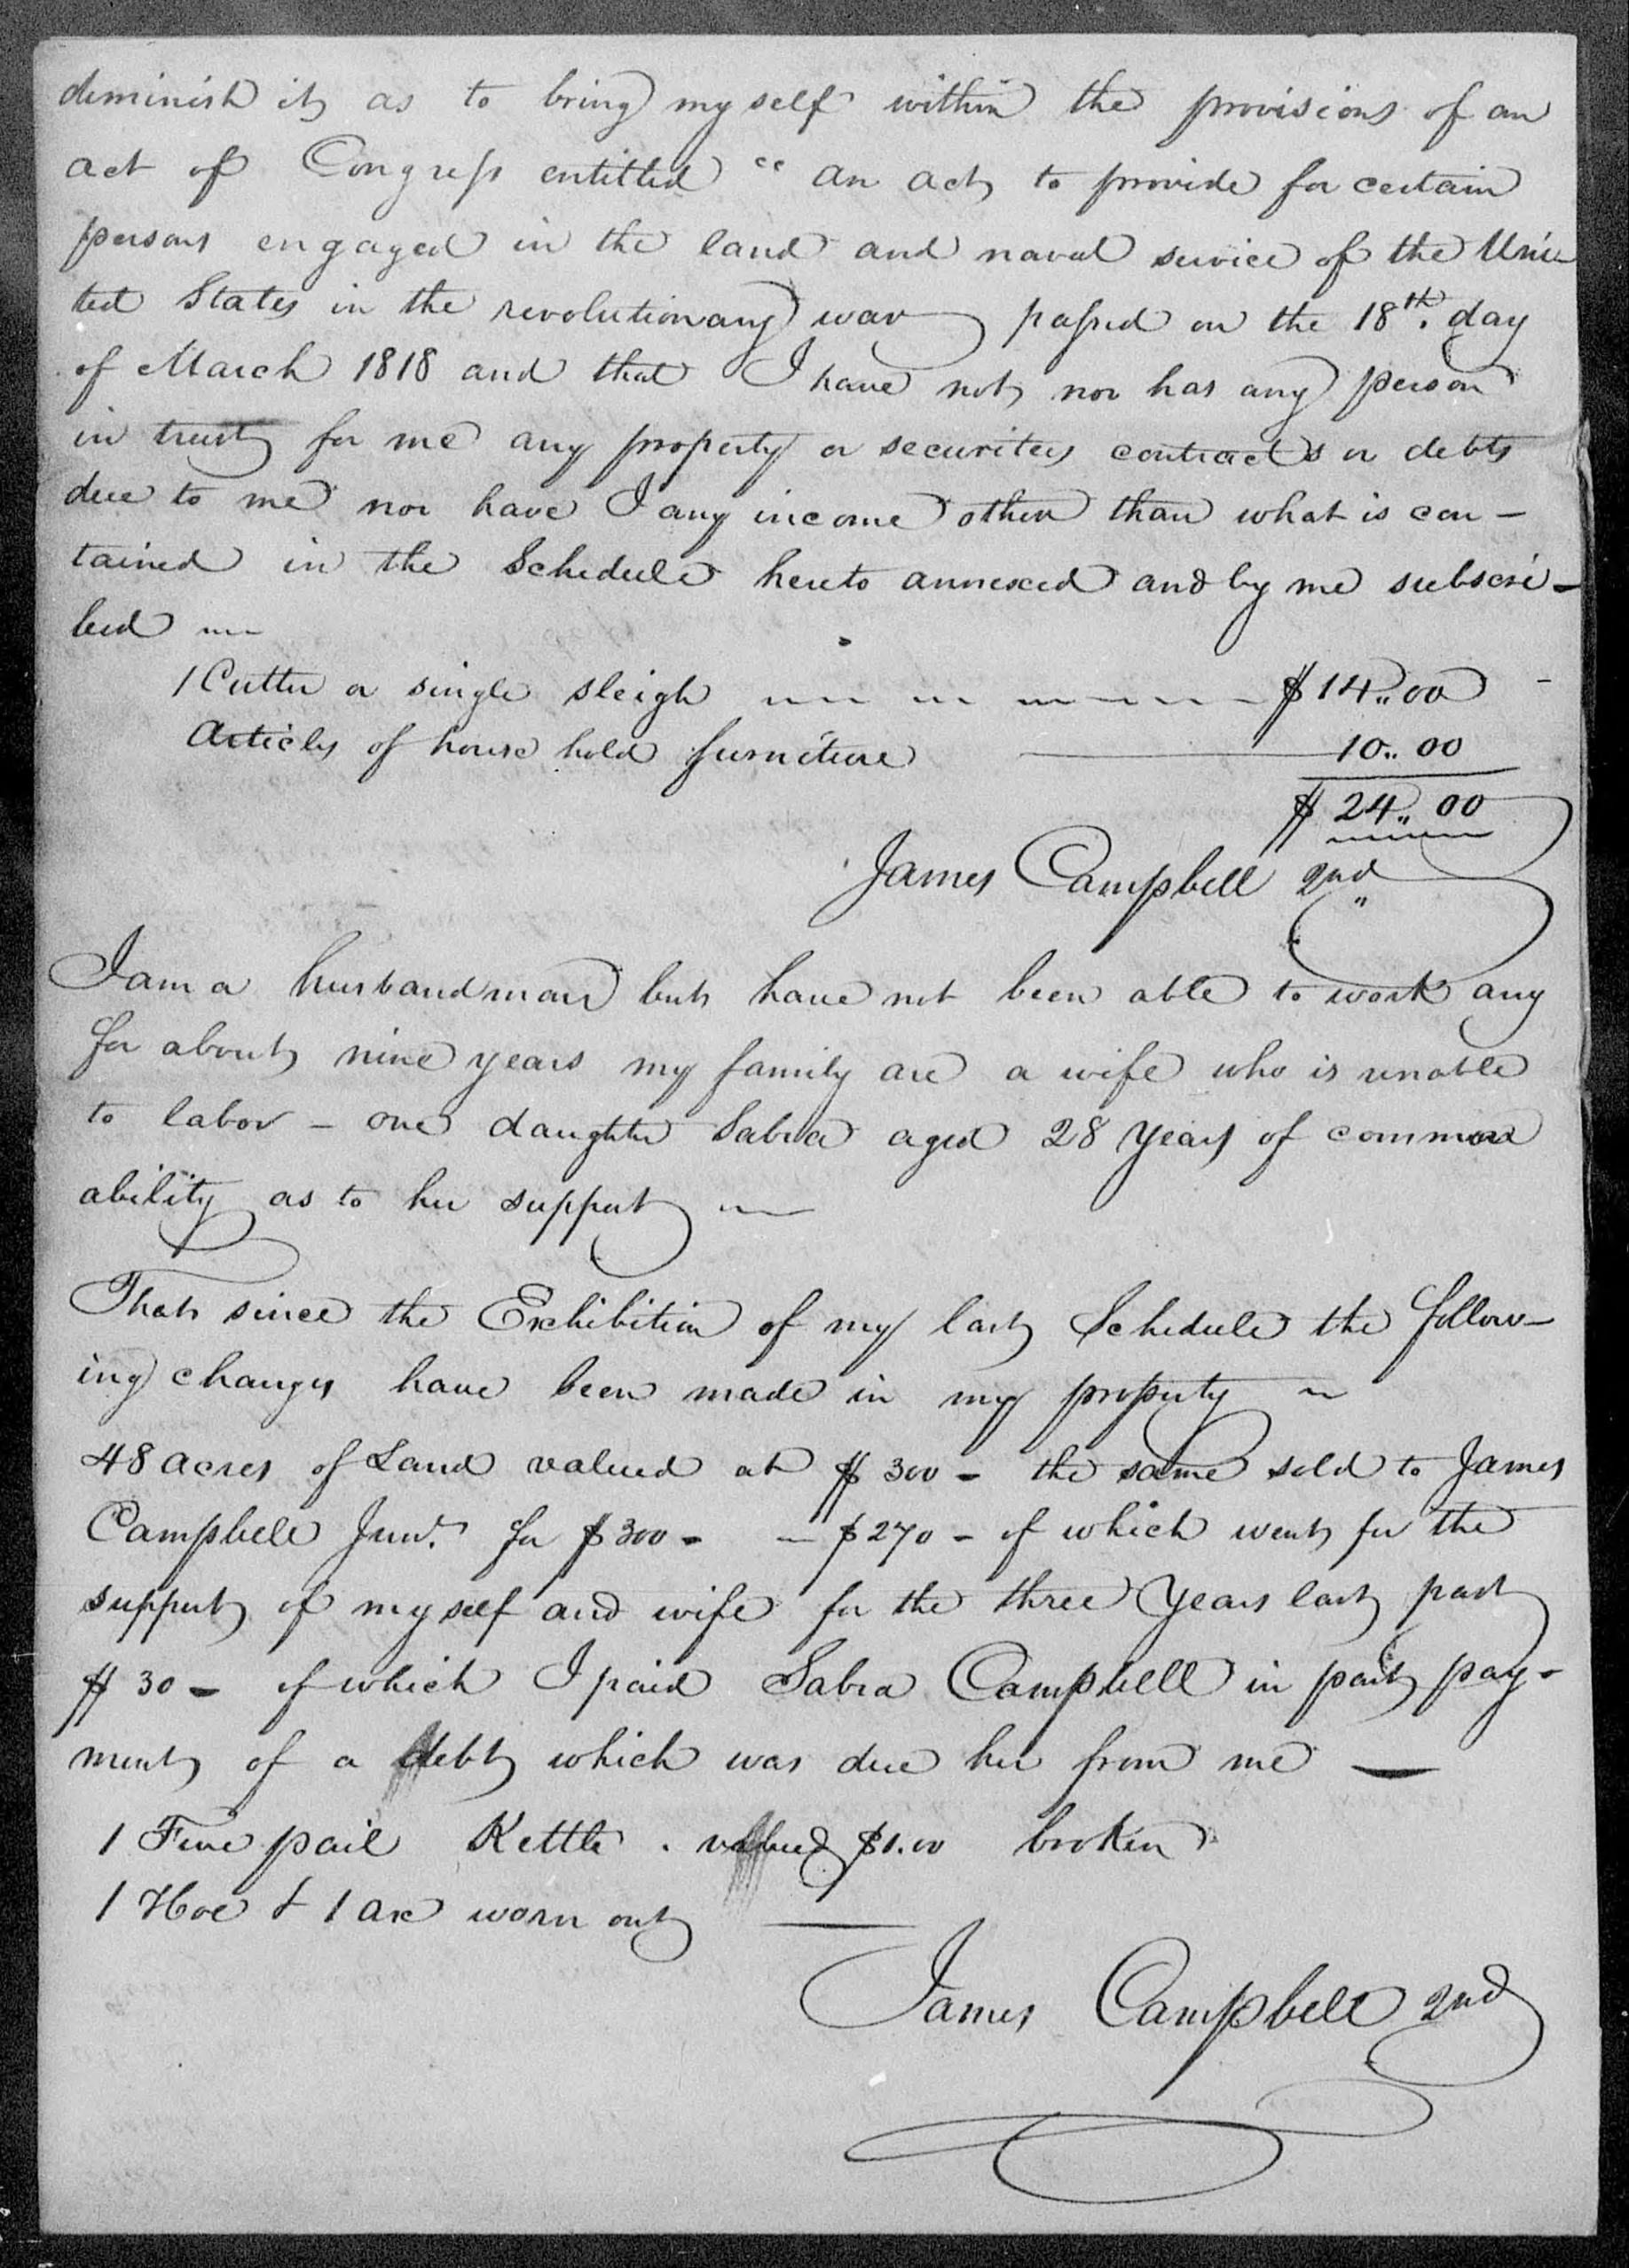diminish it as to bring myself within the provisions of an act of Congress entitled "an act to provide for certain persons engaged in the land and naval service of the United States in the revolutionary war passed on the 18th. day of March 1818 and that I have not nor has any person in trust for me any property or securities contracts or debts due to me nor have I any income other than what is contained in the Schedule hereto annexed and by me subscribed -

1 Cutter a single sleigh ~ ~ ~ ~ ~ ~ ~ $14..00 
Articles of house hold furniture - - - - -  10..00
                                                             _________ 
                                                              $24..00
James Campbell 2nd

I am a husbandman but have not been able to work any for about nine years my family are a wife who is unable to labor - one daughter Sabra aged 28 years of common ability as to her support-
That since the Exhibition of my last Schedule the following changes have been made in my property -
48 acres of Land valued at $300 - the same sold to James Campbell Junr. for $300 - $270 - of which went for the support of myself and wife for the three years last part $30 - of which I paid Sabra Campbell in part payment of a debt which was due her from me -
1 Five pail Kettle valued $1.00 broken
1 Hoe & 1 axe worn out
James Campbell 2nd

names: James Campbell, James Campbell, James Campbell, Sabra Campbell, Sabra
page: 9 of 67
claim: widow's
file: W. 23772, James Campbell, Continental Mass.